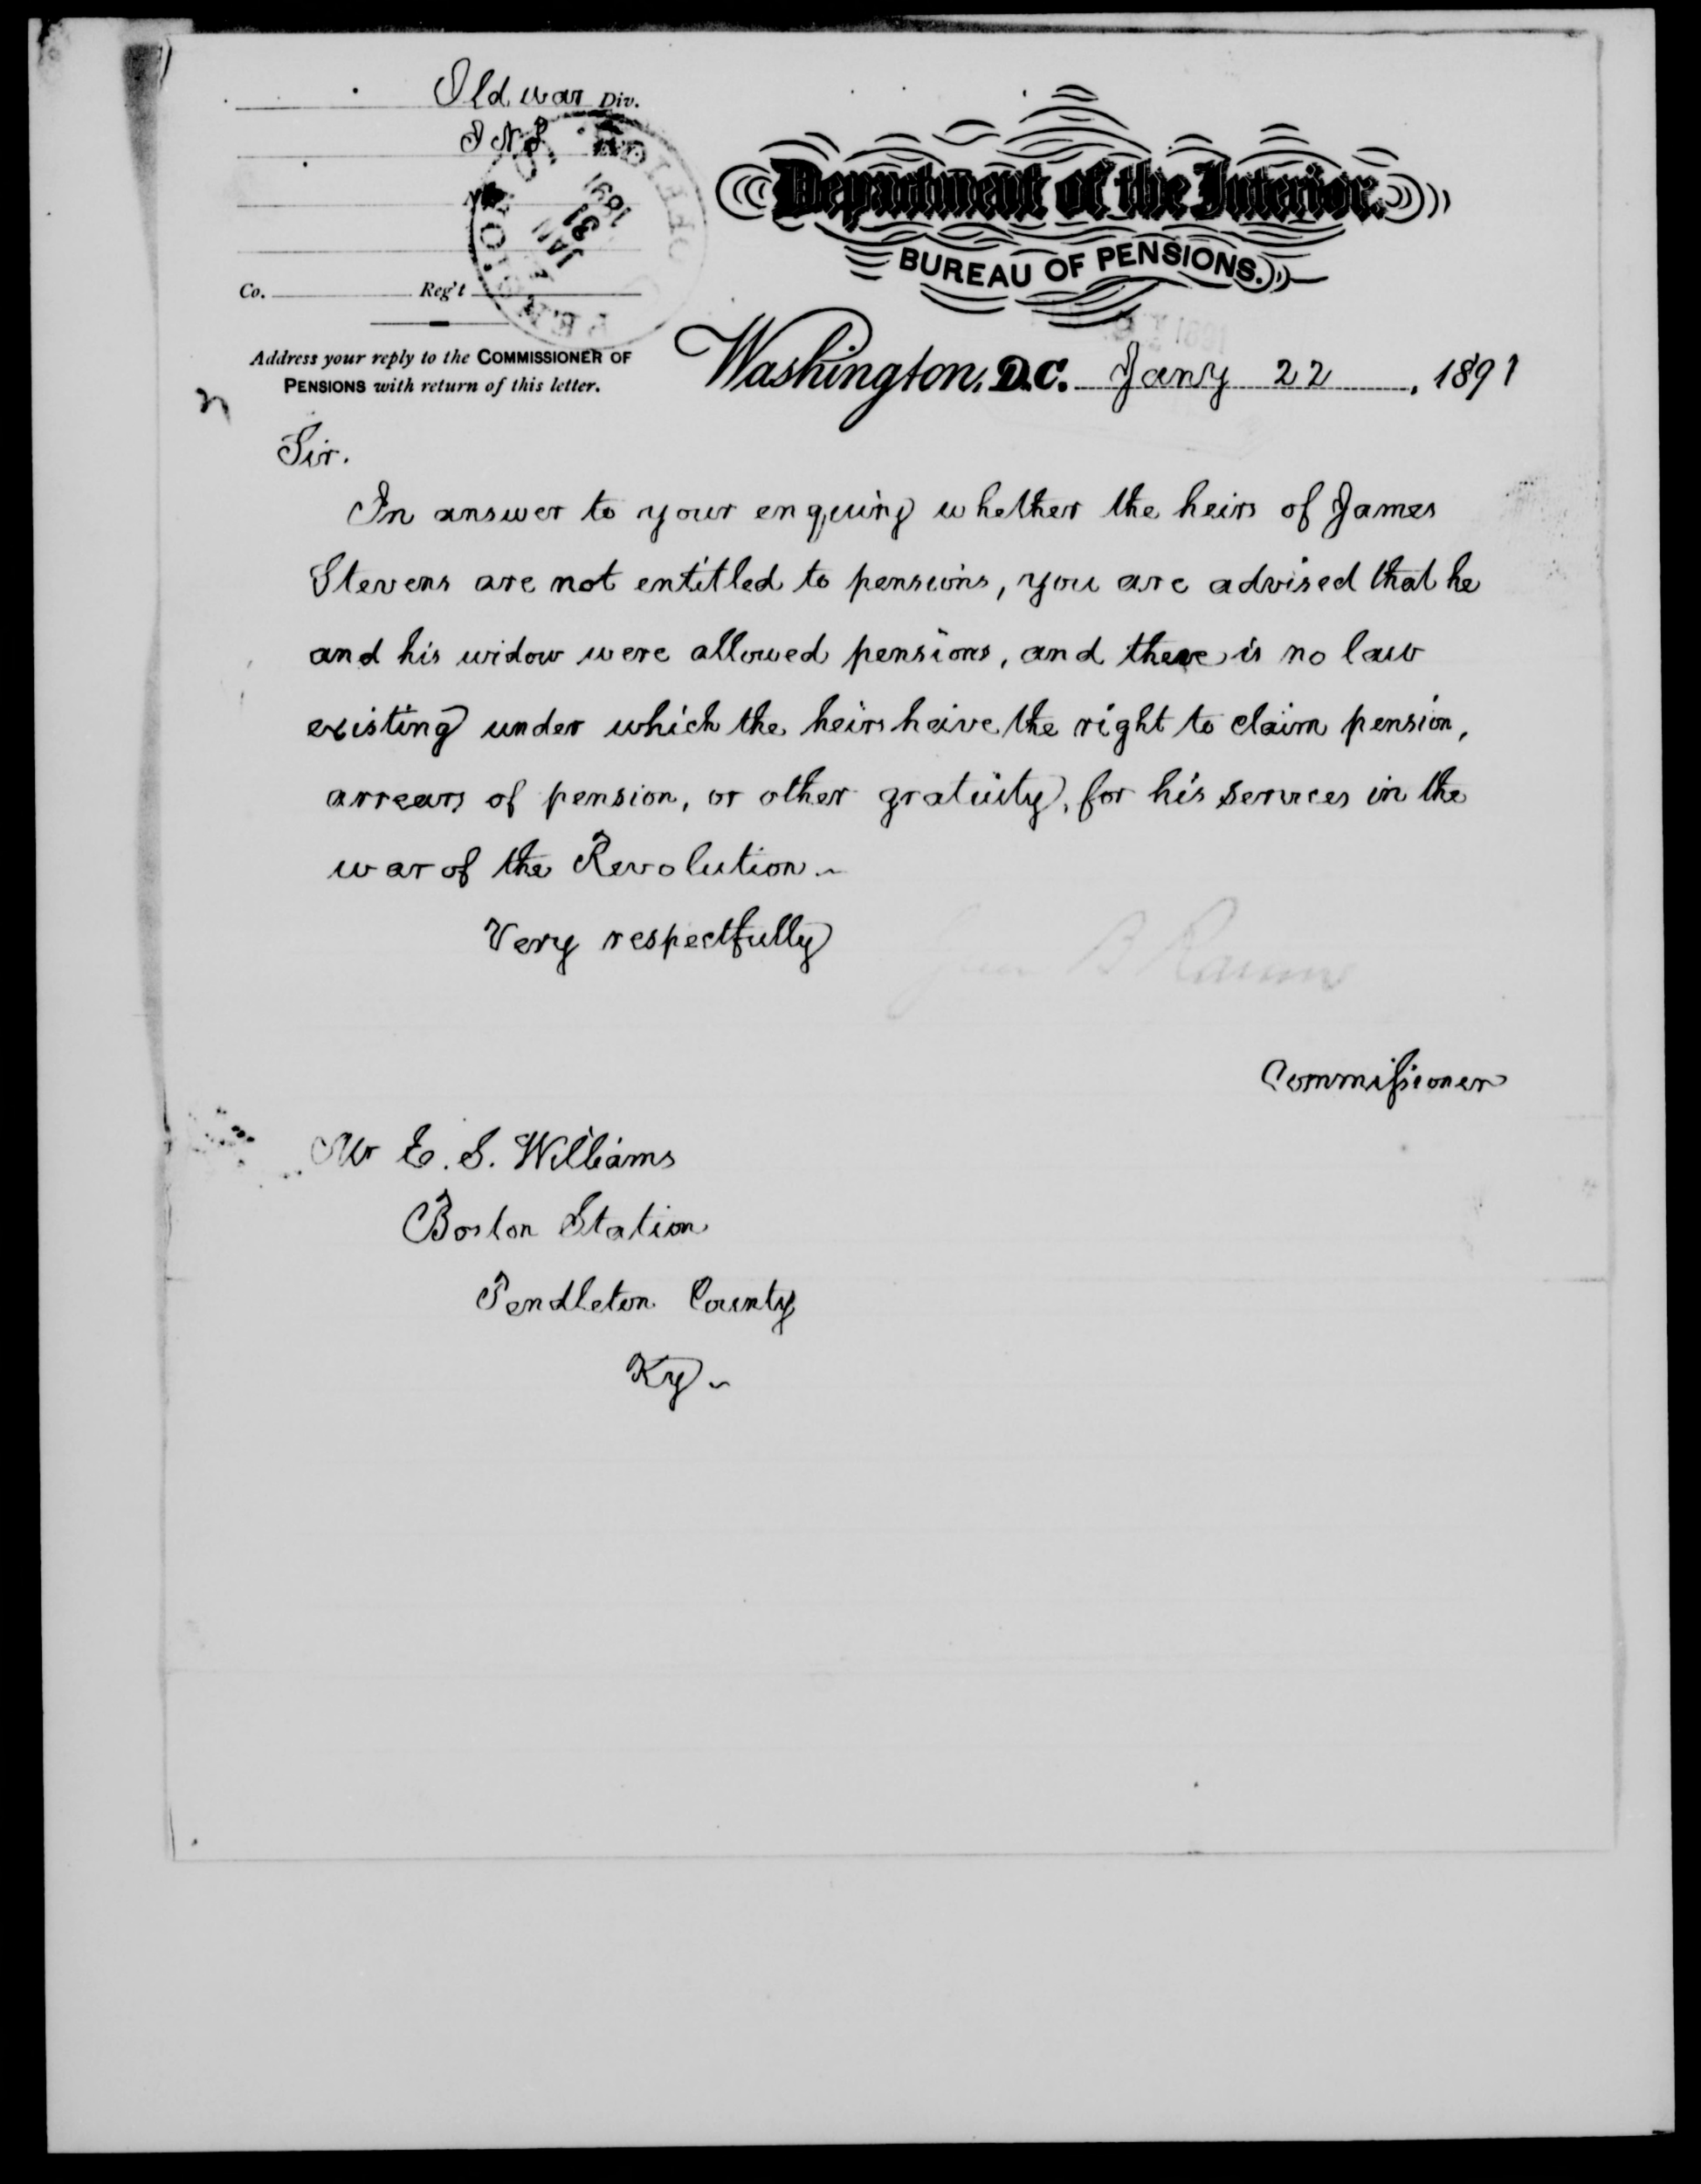[Seal] Pension Office Jan 31 1891
Old War Div.
Co.  Reg't
DEPARTMENT OF THE INTERIOR
Bureau of Pensions

Address your reply to the COMMISSIONER OF
PENSIONS with return of this letter.
Washington, D.C. Jany 22, 1891
Sir,
In answer to your enquiry whether the heirs of James Stevens are not entitled to pensions, you are advised that he and his widow were allowed pensions, and there is no law existing under which the heirs have the right to claim pension,
arrears of pension, or other gratuity, for his services in the war of the Revolution
Very respectfully
[illegible]
Commissioner

Mr E.S. Williams
Boston Station
Pendleton County
Ky.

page: 42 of 99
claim: widow's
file: W 8766, for James Stevens, Virginia